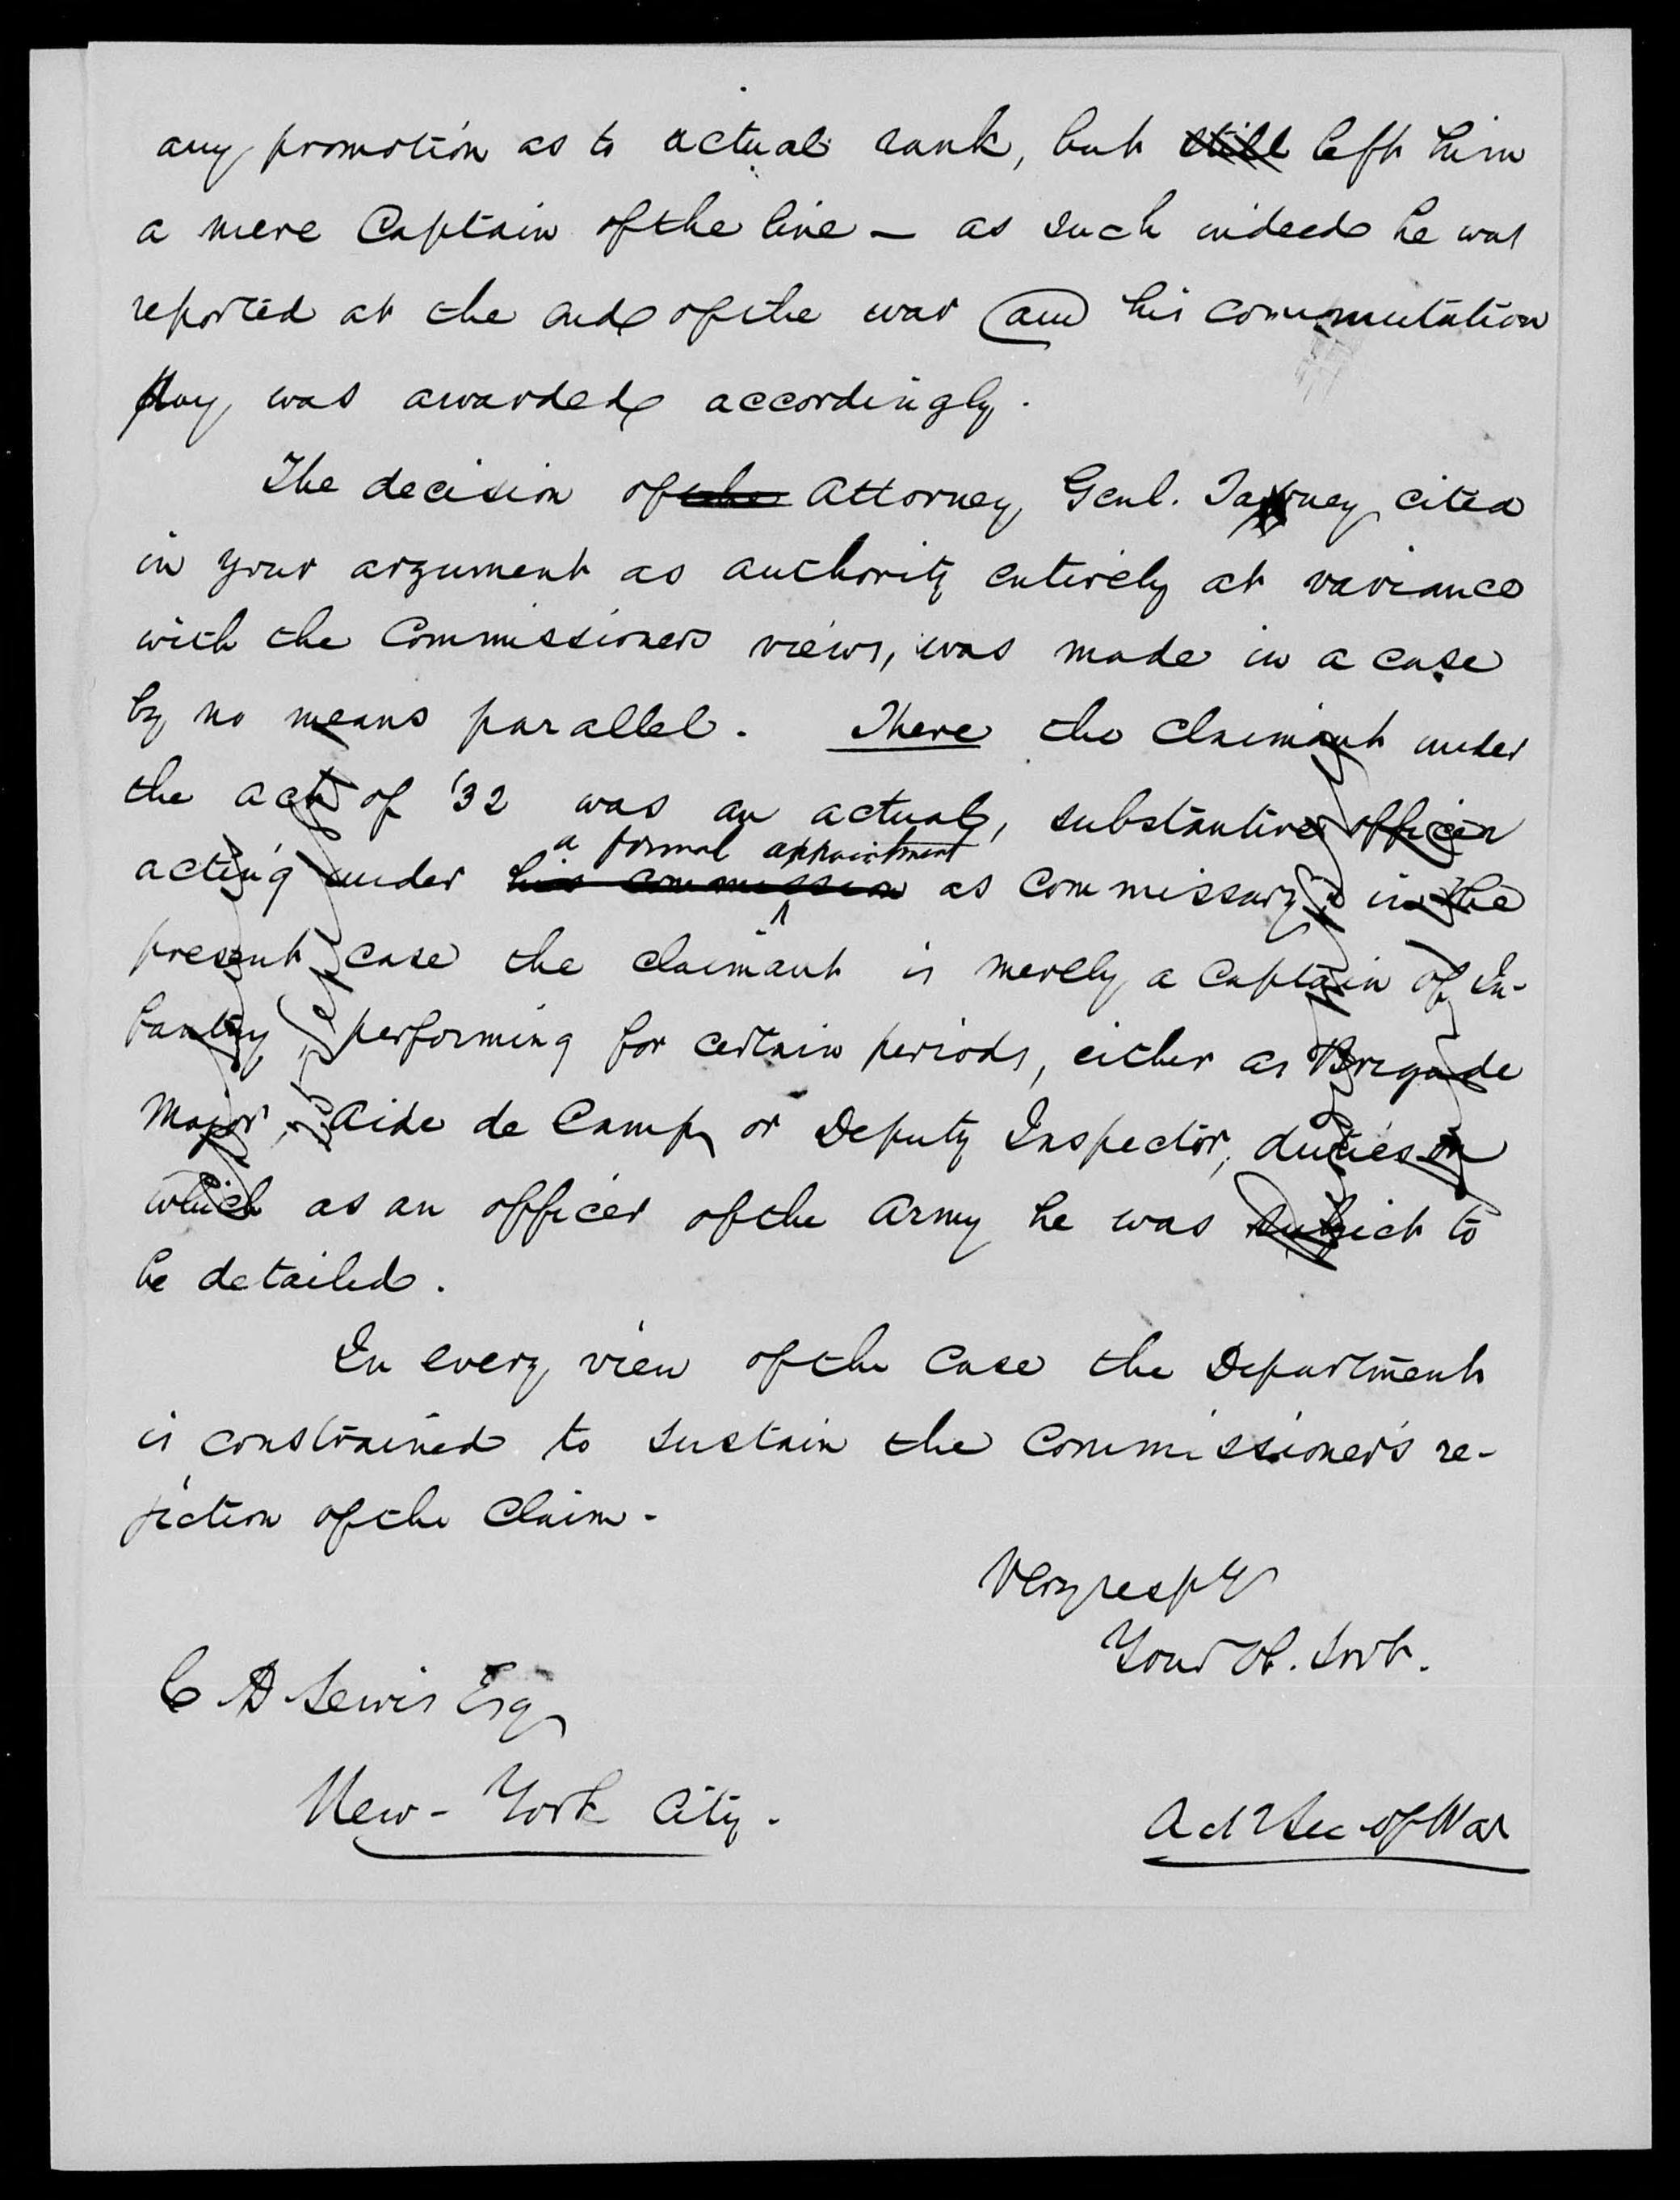any promotion as to actual bank, but [still- crossed out] left him
a mere Captain of the line- as such indeed he was
reported at the end of the war and his commutation
pay was awarded accordingly.
The decision of attorney Genl. Taney cited
in your argument as authority entirely at variance
with the Commissioner views, was made in a case
by no means parallel.
There the claimant under the
act of '32 was an actual, substantive officer
acting under [his commission - crossed out] ^a formal appointment his commissary in the
present case the claimant is merely a captain of infantry, performing for certain periods, either as Brigade
Major Aide de Camp or Deputy Inspector, duties on
which as an officer of the Army he was subject to
be detailed.
In every view of the case the Department
is constrained to sustain the commissioner's rejection
of the claim.
Very respy
Your Ob. Svt.
C. D. Lewis Esq
New York City
Act Sec of War


C.D. Lewis 24 Sept 1841
Recorded MBry
April '46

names: [BLANK] Taney; C D Lewis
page: 34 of 75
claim: survivor's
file: S. 9989, for William Popham, Delaware